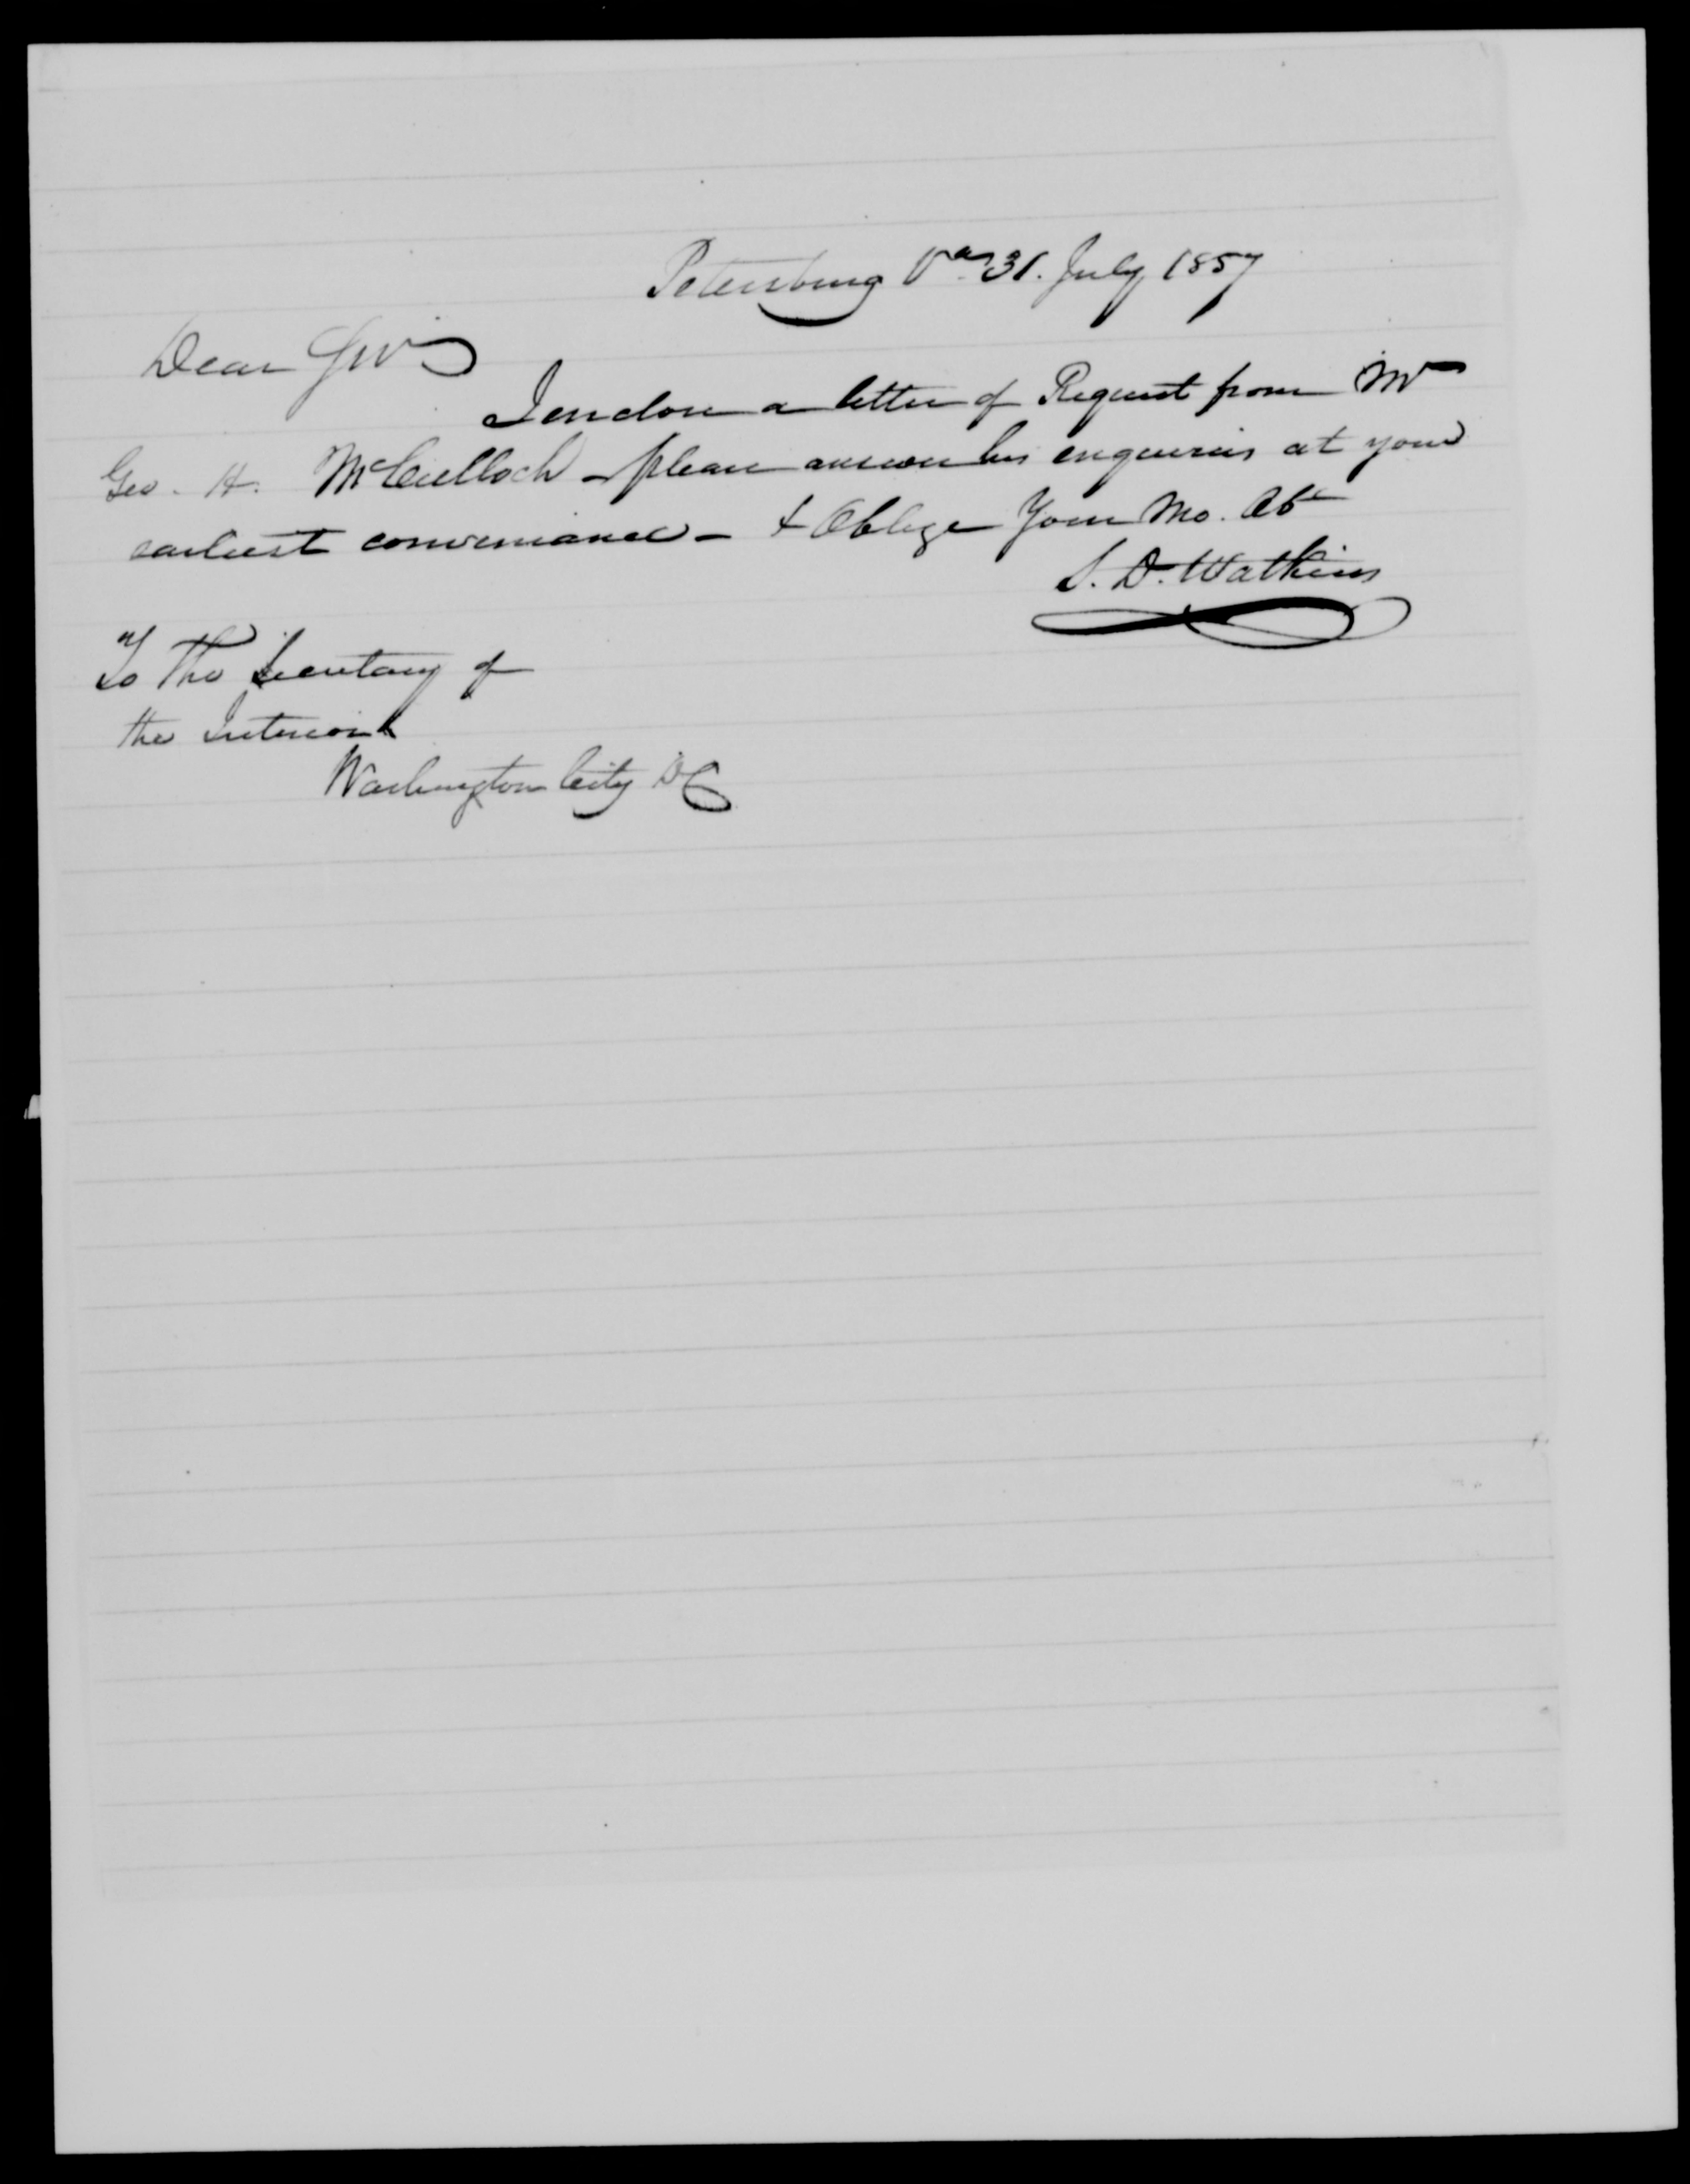Petersburg Va. 31. July 1857
Dear Sir
I enclose a letter of Request from Mr Geo. H. McCulloch - please answer his enquiries at your earliest convenience - & Oblige Your Mo. Obt
S. D. Watkins
To the Secretary of
the Interior
Washington City DC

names: S D Watkins, Geo H M Callock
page: 25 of 32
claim: survivor's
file: S. 16020, Thomas Whitlock, Va.